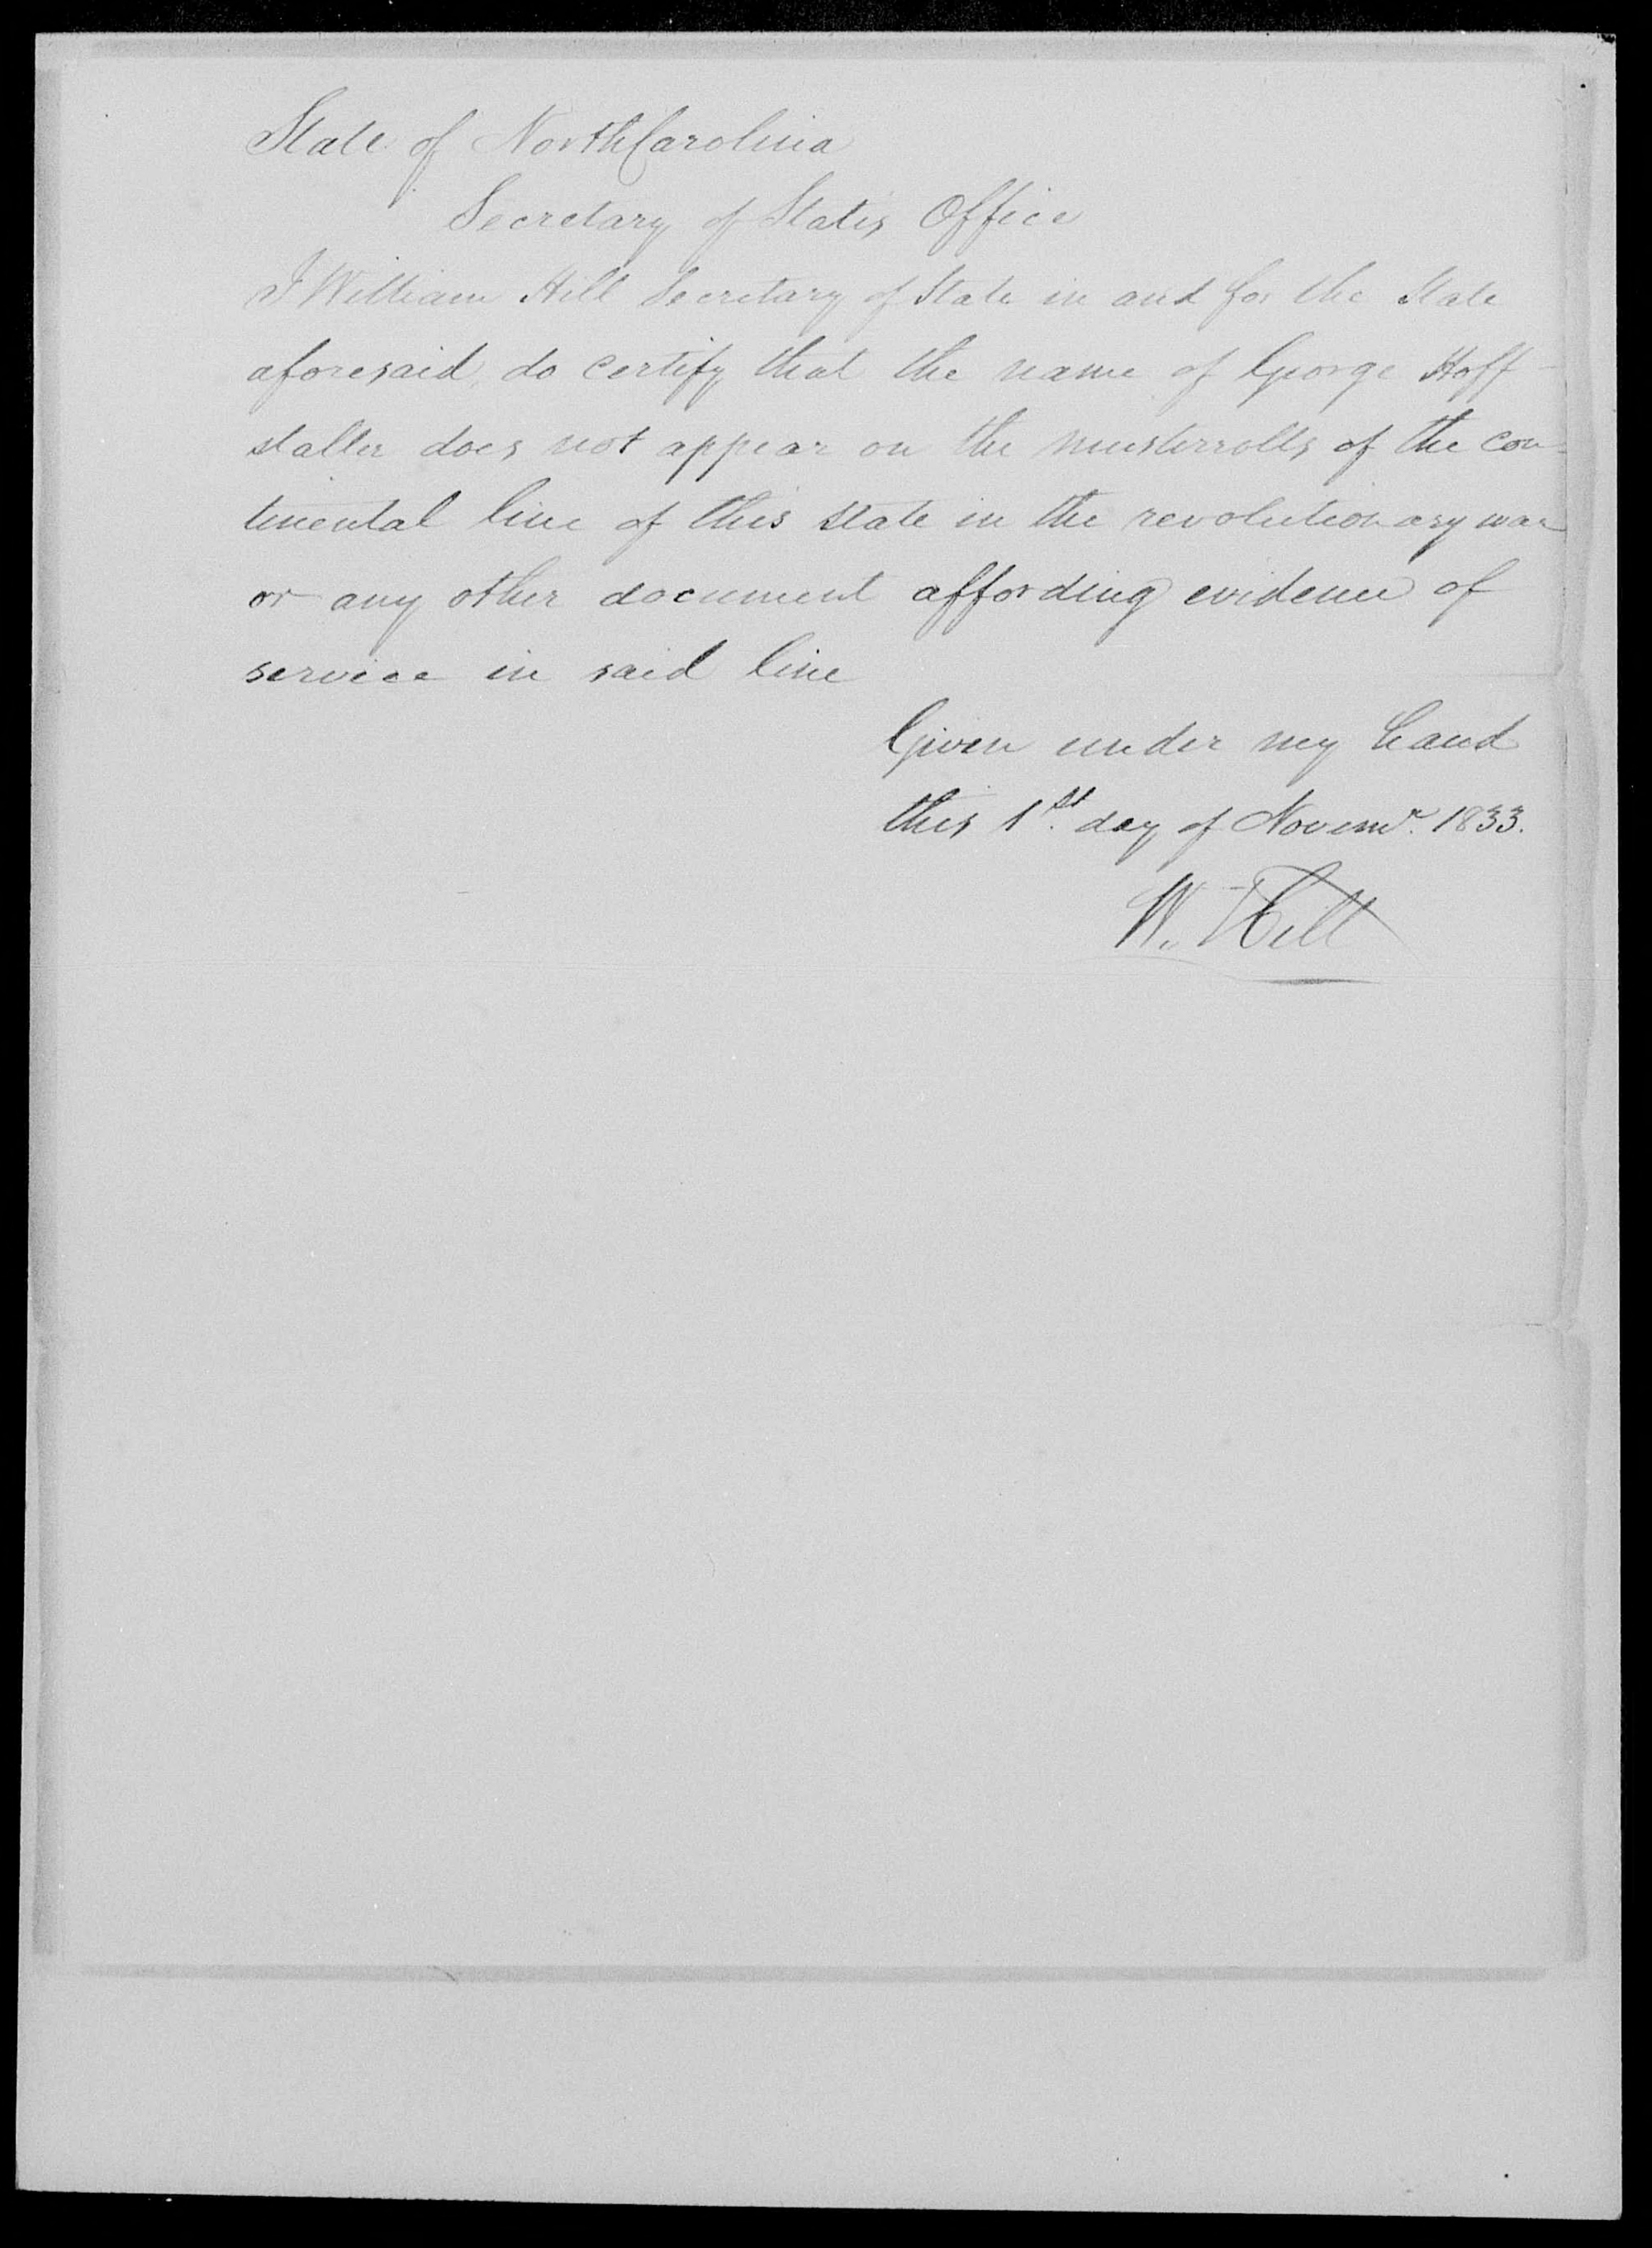State of North Carolina
Secretary of States Office
I William Hill Secretary of State in and for the State aforesaid do certify that the name of George Hoffstaller does not appear on the [illegible] of the continental line of this State in the revolutionary war or any other document affording evidence of service in said line
Given under my hand
this 1st day of Novem. 1833
W. Hill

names: William Hill, W Hill, George Hoffstatter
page: 16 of 18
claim: survivor's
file: S. 15176, George Hofstalar, N.C.